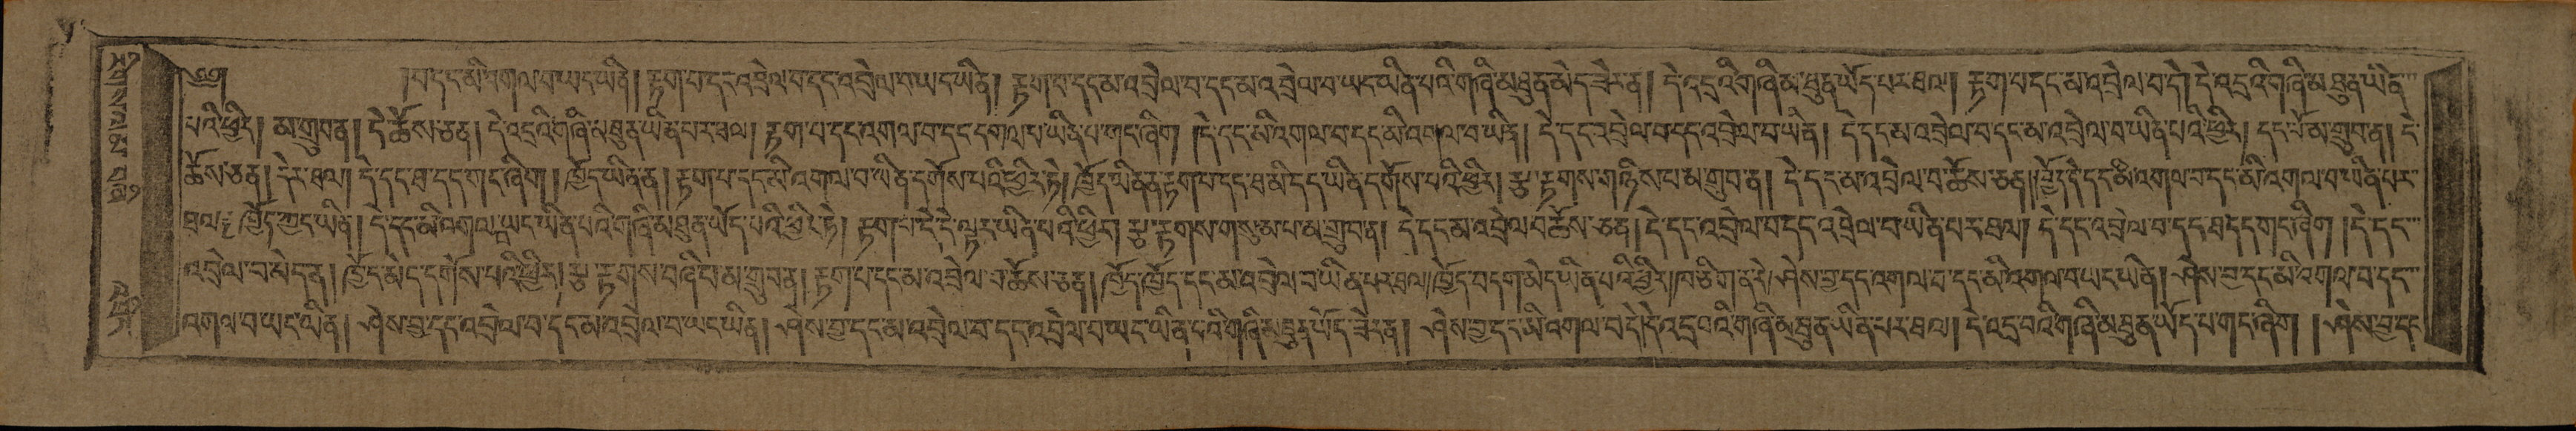༄༅། །བ་དང་མི་འགལ་བ་ཡང་ཡིན། རྟག་པ་དང་འབྲེལ་བ་དང་འབྲེལ་བ་ཡང་ཡིན། རྟག་པ་དང་མ་འབྲེལ་བ་དང་མ་འབྲེལ་བ་ཡང་ཡིན་པའི་གཞི་མཐུན་མེད་ཟེར་ན། དེ་འདྲའི་གཞི་མཐུན་ཡོད་པར་ཐལ། རྟག་པ་དང་མ་འབྲེལ་བ་དེ། དེ་འདྲའི་གཞི་མཐུན་ཡིན་
པའི་ཕྱིར། མ་གྲུབ་ན། དེ་ཆོས་ཅན། དེ་འདྲའི་གཞི་མཐུན་ཡིན་པར་ཐལ། རྟག་པ་དང་འགལ་བ་དང་འགལ་བ་ཡིན་པ་གང་ཞིག །དེ་དང་མི་འགལ་བ་དང་མི་འགལ་བ་ཡིན། དེ་དང་འབྲེལ་བ་དང་འབྲེལ་བ་ཡིན། དེ་དང་མ་འབྲེལ་བ་དང་མ་འབྲེལ་བ་ཡིན་པའི་ཕྱིར། དང་པོ་མ་གྲུབ་ན། དེ་
ཆོས་ཅན། དེར་ཐལ། དེ་དང་ཐ་དད་གང་ཞིག །ཁྱོད་ཡིན་ན། རྟག་པ་དང་མི་འགལ་བ་ཡིན་དགོས་པའི་ཕྱིར་ཏེ། ཁྱོད་ཡིན་ན་རྟག་པ་དང་ཐ་མི་དད་ཡིན་དགོས་པའི་ཕྱིར། རྩ་རྟགས་གཉིས་པ་མ་གྲུབ་ན། དེ་དང་མ་འབྲེལ་བ་ཆོས་ཅན། ཁྱོད་དེ་དང་མི་འགལ་བ་དང་མི་འགལ་བ་ཡིན་པར་
ཐལ༑ ཁྱོད་ཀྱང་ཡིན། དེ་དང་མི་འགལ་བ་ཡང་ཡིན་པའི་གཞི་མཐུན་ཡོད་པའི་ཕྱིར་ཏེ། རྟག་པ་དེ་དེ་ལྟར་ཡིན་པའི་ཕྱིར། རྩ་རྟགས་གསུམ་པ་མ་གྲུབ་ན། དེ་དང་མ་འབྲེལ་བ་ཆོས་ཅན། དེ་དང་འབྲེལ་བ་དང་འབྲེལ་བ་ཡིན་པར་ཐལ། དེ་དང་འབྲེལ་བ་དང་ཐ་དད་གང་ཞིག །དེ་དང་
འབྲེལ་བ་མེད་ན། ཁྱོད་མེད་དགོས་པའི་ཕྱིར། རྩ་རྟགས་བཞི་པ་མ་གྲུབ་ན། རྟག་པ་དང་མ་འབྲེལ་བ་ཆོས་ཅན། ཁྱོད་ཁྱོད་དང་མ་འབྲེལ་བ་ཡིན་པར་ཐལ། ཁྱོད་བདག་མེད་ཡིན་པའི་ཕྱིར། ཁ་ཅིག་ན་རེ། ཤེས་བྱ་དང་འགལ་བ་དང་མི་འགལ་བ་ཡང་ཡིན། ཤེས་བྱ་དང་མི་འགལ་བ་དང་
འགལ་བ་ཡང་ཡིན། ཤེས་བྱ་དང་འབྲེལ་བ་དང་མ་འབྲེལ་བ་ཡང་ཡིན། ཤེས་བྱ་དང་མ་འབྲེལ་བ་དང་འབྲེལ་བ་ཡང་ཡིན་པའི་གཞི་མཐུན་ཡོད་ཟེར་ན། ཤེས་བྱ་དང་མི་འགལ་བ་དེ། དེ་འདྲ་བའི་གཞི་མཐུན་ཡིན་པར་ཐལ། དེ་འདྲ་བའི་གཞི་མཐུན་ཡོད་པ་གང་ཞིག །ཤེས་བྱ་དང་